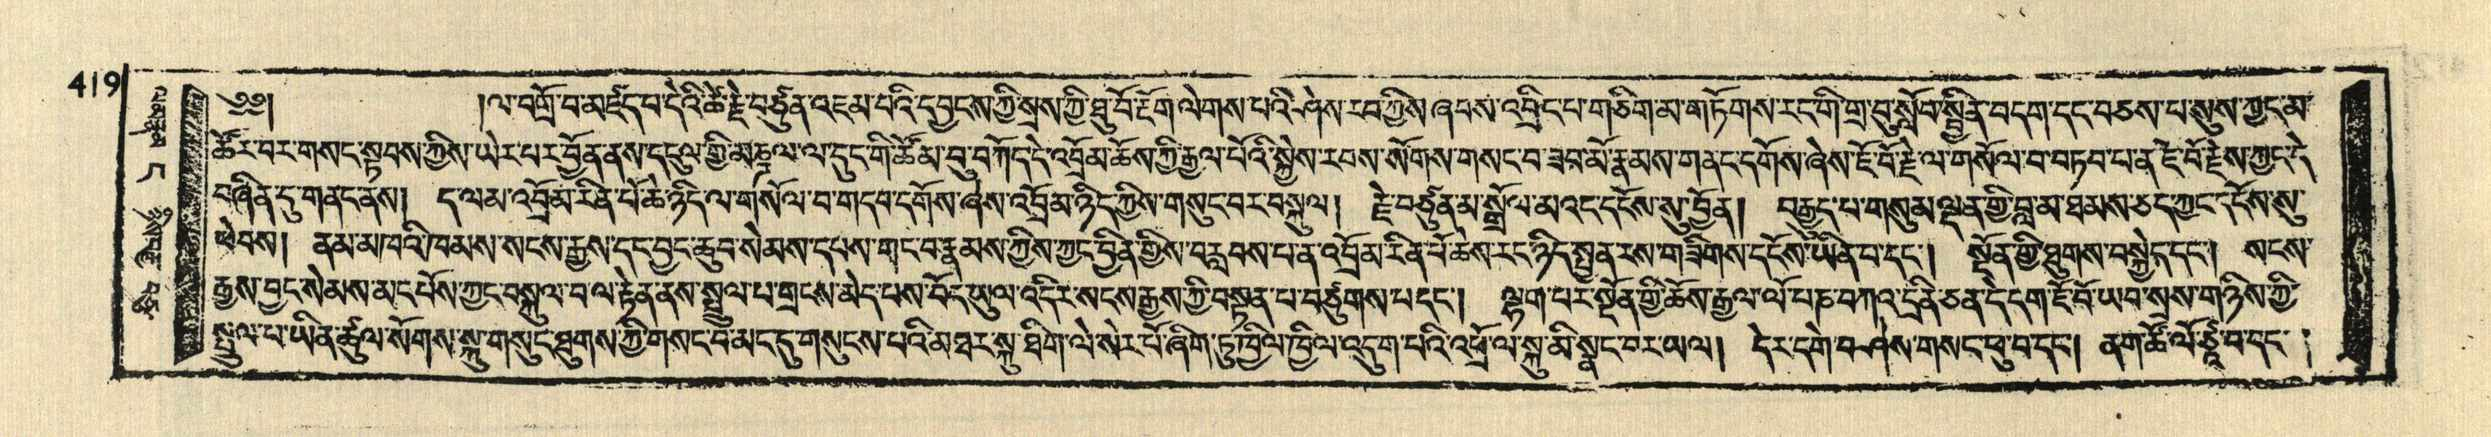༄༅། །ལ་བགྲོ་བ་མཛད་བ་དེའི་ཚེ་རྗེ་བཙུན་འཇམ་པའི་དབྱངས་ཀྱི་སྲས་ཀྱི་ཐུ་བོ་རྡོག་ལེགས་པའི་ཤེས་རབ་ཀྱིས་ཞབས་འབྲིང་པ་གཅིག་མ་གཏོགས་རང་གི་གྲ་བུ་སློབ་སྦྱིན་བདག་དང་བཅས་པ་སུས་ཀྱང་མ་
ཚོར་བར་གསང་སྟབས་ཀྱིས་ཡེར་པར་བྱོན་ནས་དངུལ་གྱི་མཎྜལ་ལ་དུང་གི་ཚོམ་བུ་བཀོད་དེ་འབྲོམ་ཆོས་ཀྱི་རྒྱལ་པོའི་སྐྱེས་རབས་སོགས་གསང་བ་ཟབ་མོ་རྣམས་གནང་དགོས་ཞེས་ཇོ་བོ་རྗེ་ལ་གསོལ་བ་བཏབ་པ་ན་རྗེ་བོ་རྗེས་ཀྱང་དེ་
བཞིན་དུ་གནང་ནས། ད་ལམ་འབྲོམ་རིན་པོ་ཆེ་ཉིད་ལ་གསོལ་བ་གདབ་དགོས་ཞེས་འབྲོམ་ཉིད་ཀྱིས་གསུང་བར་བསྐུལ། རྗེ་བཙུན་མ་སྒྲོལ་མའང་དངོས་སུ་བྱོན། བརྒྱུད་པ་གསུམ་ལྡན་གྱི་བླ་མ་ཐམས་ཅད་ཀྱང་དངོས་སུ་
ཕེབས། ནམ་མཁའི་ཁམས་སངས་རྒྱས་དང་བྱང་ཆུབ་སེམས་དཔས་གང་བ་རྣམས་ཀྱིས་ཀྱང་བྱིན་གྱིས་བརླབས་པ་ན་འབྲོམ་རིན་པོ་ཆེས་རང་ཉིད་སྤྱན་རས་གཟིགས་དངོས་ཡིན་བ་དང་། སྔོན་གྱི་ཐུགས་བསྐྱེད་དང་། སངས་
རྒྱས་བྱང་སེམས་མང་པོས་ཀྱང་བསྐུལ་བ་ལ་རྟེན་ནས་སྤྲུལ་པ་གྲངས་མེད་པས་བོད་ཡུལ་འདིར་སངས་རྒྱས་ཀྱི་བསྟན་པ་བཙུགས་པ་དང་། ལྷག་པར་སྔོན་གྱི་ཆོས་རྒྱལ་ལོ་པཎ་བཀའ་དྲིན་ཅན་དེ་དག་ཇོ་བོ་ཡབ་སྲས་གཉིས་ཀྱི་
སྤྲུལ་པ་ཡིན་ཚུལ་སོགས་སྐུ་གསུང་ཐུགས་ཀྱི་གསང་བ་མང་དུ་གསུངས་པའི་མཐར་སྐུ་ཐིག་ལེ་སེར་པོ་ཞིག་ཏུ་ཁྱིལ་ཁྱིལ་འདུག་པའི་འཕྲོ་ལ་སྐུ་མི་སྣང་བར་ཡལ། དེར་དགེ་བཤེས་གསང་ཕུ་བ་དང་། ནག་ཚོ་ལོ་ཙཱ་བ་དང་།